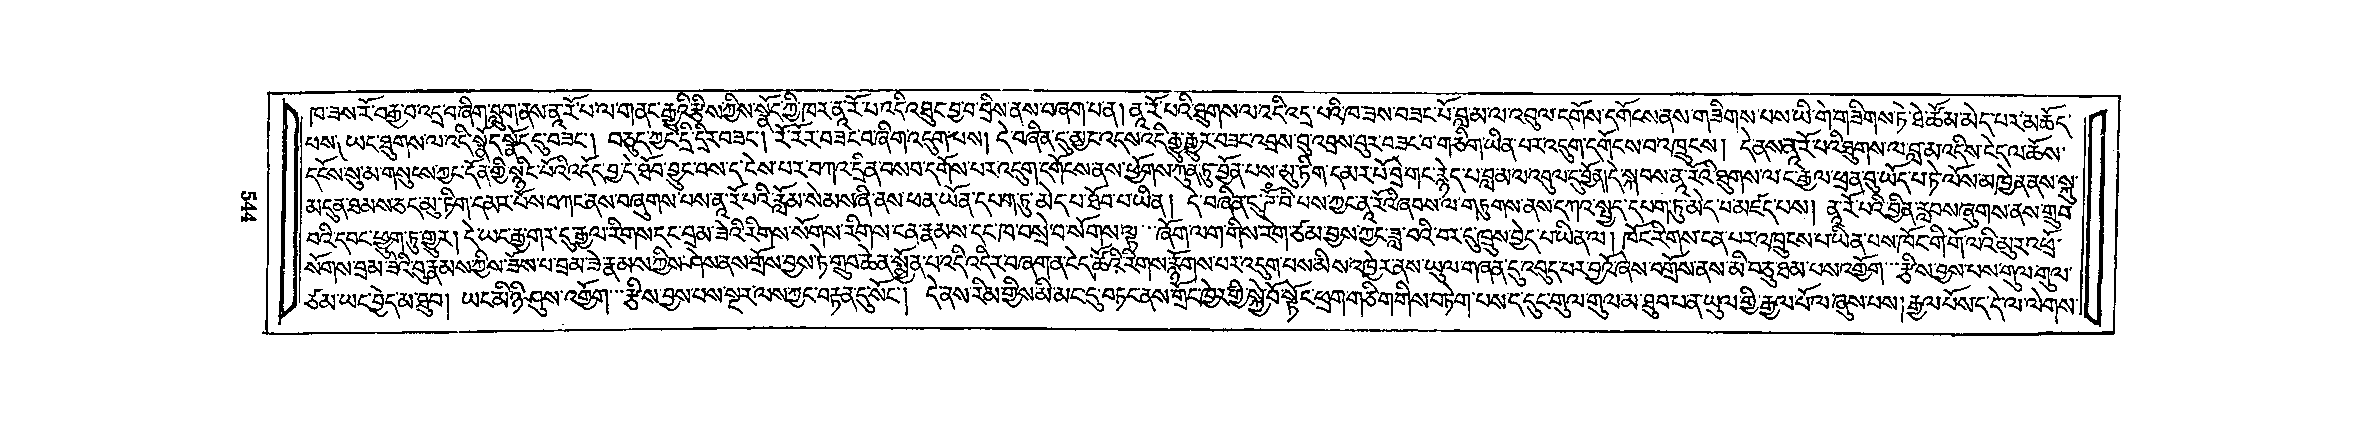ཁ་ཟས་རོ་བརྒྱ་བ་འདྲ་བ་ཞིག་བླུག་ནས་ནཱ་རོ་པ་ལ་གནང་རྒྱུའི་རྩིས་ཀྱིས་སྣོད་ཀྱི་ཁར་ནཱ་རོ་པ་འདི་འཐུང་བྱ་བ་བྲིས་ནས་བཞག་པ་ན། ནཱ་རོ་པའི་ཐུགས་ལ་འདི་འདྲ་བའི་ཁ་ཟས་བཟང་པོ་བླ་མ་ལ་འབུལ་དགོས་དགོངས་ནས་གཟིགས་པས་ཡི་གེ་གཟིགས་ཏེ་ཐེ་ཚོམ་མེད་པར་མཆོད་
པས། ཡང་ཐུགས་ལ་འདི་སྣོད་སྣོད་དུ་བཟང་། བཅུད་ཀྱང་དྲི་དྲིར་བཟང་། རོ་རོར་བཟང་བ་ཞིག་འདུག་པས། དེ་བཞིན་དུ་མྱང་འདས་འདི་རྒྱུ་རྒྱུར་བཟང་འབྲས་བུ་འབྲས་བུར་བཟང་བ་གཅིག་ཡིན་པར་འདུག་དགོངས་པ་འཁྲུངས། དེ་ནས་ནཱ་རོ་པའི་ཐུགས་ལ་བླ་མ་འདིས་ངེད་ལ་ཆོས་
དངོས་སུ་མ་གསུངས་ཀྱང་དོན་གྱི་སྙིང་པོའི་འདོད་བྱ་དེ་ཐོབ་བྱུང་བས་ད་ངེས་པར་བཀའ་དྲིན་བསབ་དགོས་པར་འདུག་དགོངས་ནས་ཕྱོགས་ཀུན་ཏུ་བྱོན་པས་མུ་ཏིག་དམར་པོ་བྲེ་གང་རྙེད་པ་བླ་མ་ལ་འབུལ་དུ་བྱོན། དེ་སྐབས་ནཱ་རོའི་ཐུགས་ལ་ང་རྒྱལ་ཕྲན་བུ་ཡོད་པ་ཏེ་ལོས་མཁྱེན་ནས་སྐུ་
མདུན་ཐམས་ཅད་མུ་ཏིག་དམར་པོས་བཀང་ནས་བཞུགས་པས་ནཱ་རོ་པའི་རློམ་སེམས་ཞི་ནས་ཕན་ཡོན་དཔག་ཏུ་མེད་པ་ཐོབ་པ་ཡིན། དེ་བཞིན་དུ་ཌོཾ་བི་པས་ཀྱང་ནཱ་རོའི་ཞབས་ལ་གཏུགས་ནས་དཀའ་སྤྱད་དཔག་ཏུ་མེད་པ་མཛད་པས། ནཱ་རོ་པའི་བྱིན་རླབས་ཞུགས་ནས་གྲུབ་
བའི་དབང་ཕྱུག་ཏུ་གྱུར། དེ་ཡང་རྒྱ་གར་དུ་རྒྱལ་རིགས་དང་བྲམ་ཟེའི་རིགས་སོགས་རིགས་ངན་རྣམས་དང་ཁ་བསྲེ་བ་སོགས་ལྟ་ཞོག་ལག་གིས་རེག་ཙམ་བྱས་ཀྱང་ཟླ་བའི་བར་དུ་ཁྲུས་བྱེད་པ་ཡིན་ལ། ཁོང་རིགས་ངན་པར་འཁྲུངས་པ་ཡིན་པས་ཁོང་གི་གོ་ལའི་མུར་འཕྲོ་
སོགས་བྲམ་ཟེའི་བུ་རྣམས་ཀྱིས་ཟོས་པ་བྲམ་ཟེ་རྣམས་ཀྱིས་ཤེས་ནས་གྲོས་བྱས་ཏེ་གྲུབ་ཆེན་སྨྱོན་པ་འདི་འདིར་བཞག་ན་ངེད་ཚོའི་རིགས་རྙོགས་པར་འདུག་པས་མིས་འཁྱེར་ནས་ཡུལ་གཞན་དུ་འབུད་པར་བྱའོ་ཞེས་བགྲོས་ནས་མི་བཅུ་ཐམ་པས་འགྱོག་རྩིས་བྱས་པས་གུལ་གུལ་
ཙམ་ཡང་བྱེད་མ་ཐུབ། ཡང་མི་ཉི་ཤུས་འགྱོག་རྩིས་བྱས་པས་སྔར་ལས་ཀྱང་བརྟན་དུ་སོང་། དེ་ནས་རིམ་གྱིས་མི་མང་དུ་བཏང་ནས་གྲོང་ཁྱེར་གྱི་སྐྱེ་བོ་སྟོང་ཕྲག་གཅིག་གིས་བཏེག་པས་ད་དུང་གུལ་གུལ་མ་ཐུབ་པ་ན་ཡུལ་གྱི་རྒྱལ་པོ་ལ་ཞུས་པས། རྒྱལ་པོས་ད་དེ་ལ་ལེགས་